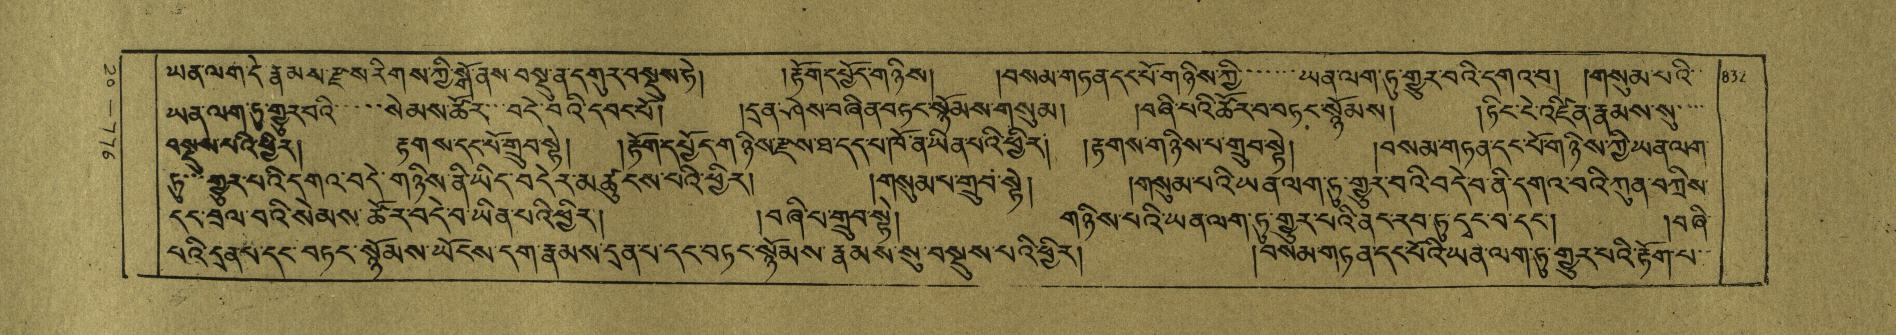ཡན་ལག་དེ་རྣམས་རྫས་རིགས་ཀྱི་སྒོ་ནས་བསྡུ་ན་དགུར་བསྡུས་ཏེ། །རྟོག་དཔྱོད་གཉིས། །བསམ་གཏན་དང་པོ་གཉིས་ཀྱི་ཡན་ལག་ཏུ་གྱུར་པའི་དགའ་བ། །གསུམ་པའི་
ཡན་ལག་ཏུ་གྱུར་བའི་སེམས་ཚོར་བདེ་བའི་དབང་པོ། །དྲན་ཤེས་བཞིན་བཏང་སྙོམས་གསུམ། །བཞི་པའི་ཚོར་བ་བཏང་སྙོམས། །ཏིང་ངེ་འཛིན་རྣམས་སུ་
བསྡུས་པའི་ཕྱིར། རྟགས་དང་པོ་གྲུབ་སྟེ། །རྟོག་དཔྱོད་གཉིས་རྫས་ཐ་དད་པ་ཁོ་ན་ཡིན་པའི་ཕྱིར། །རྟགས་གཉིས་པ་གྲུབ་སྟེ། །བསམ་གཏན་དང་པོ་གཉིས་ཀྱི་ཡན་ལག་
ཏུ་གྱུར་པའི་དགའ་བདེ་གཉིས་ནི་ཡིད་བདེར་མཚུངས་པའི་ཕྱིར། །གསུམ་པ་གྲུབ་སྟེ། །གསུམ་པའི་ཡན་ལག་ཏུ་གྱུར་བའི་བདེ་བ་ནི་དགའ་བའི་ཀུན་བཀྲིས་
དང་བྲལ་བའི་སེམས་ཚོར་བདེ་བ་ཡིན་པའི་ཕྱིར། །བཞི་པ་གྲུབ་སྟེ། གཉིས་པའི་ཡན་ལག་ཏུ་གྱུར་པའི་ནང་རབ་ཏུ་དྭང་བ་དང་། །བཞི་
པའི་དྲན་པ་དང་བཏང་སྙོམས་ཡོངས་དག་རྣམས་དྲན་པ་དང་བཏང་སྙོམས་རྣམས་སུ་བསྡུས་པའི་ཕྱིར། །བསམ་གཏན་དང་པོའི་ཡན་ལག་ཏུ་གྱུར་པའི་རྟོག་པ་